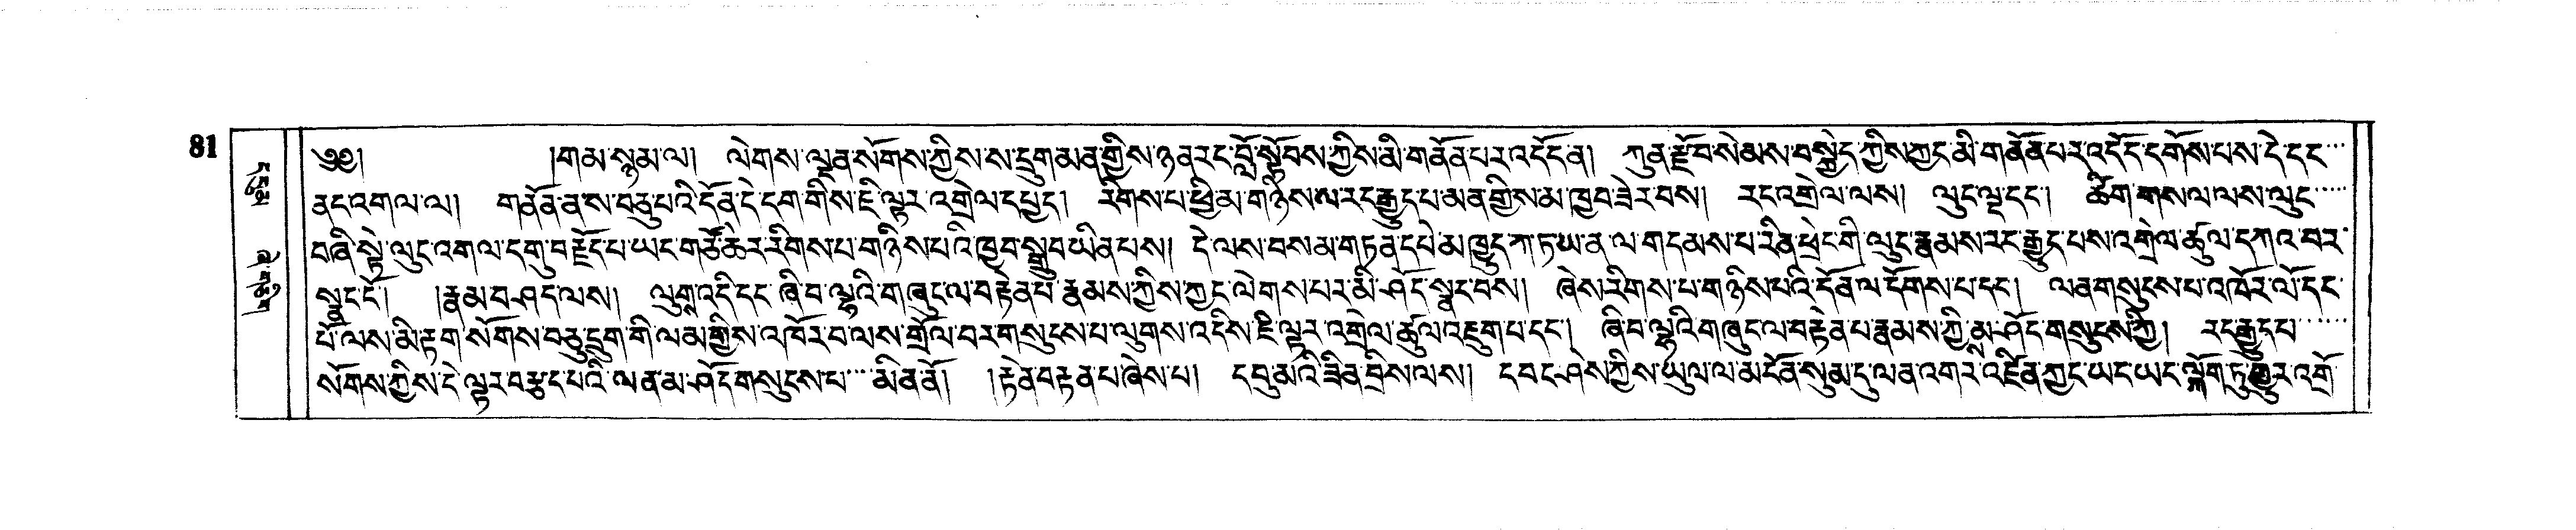༄༅། །གམ་སྙམ་ལ། ལེགས་ལྡན་སོགས་ཀྱིས་ས་དྲུག་མན་གྱིས་ཉན་རང་བློ་སྟོབས་ཀྱིས་མི་གནོན་པར་འདོད་ན། ཀུན་རྫོབ་སེམས་བསྐྱེད་ཀྱིས་ཀྱང་མི་གནོན་པར་འདོད་དགོས་པས་དེ་དང་
ནང་འགལ་ལ། གནོན་ན་ས་བཅུ་པའི་དོན་དེ་དག་གིས་ཇི་ལྟར་འགྲེལ་དཔྱད། རིགས་པ་ཕྱི་མ་གཉིས་ལ་རང་རྒྱུད་པ་མན་གྱིས་མ་ཁྱབ་ཟེར་བས། རང་འགྲེལ་ལས། ལུང་ལྔ་དང་། ཚིག་གསལ་ལས་ལུང་
བཞི་སྟེ་ལུང་འགལ་དགུ་བརྗོད་པ་ཡང་གཙོ་ཆེར་རིགས་པ་གཉིས་པའི་ཁྱབ་སྒྲུབ་ཡིན་པས། དེ་ལས་བསམ་གཏན་དཔེ་མཁྱུད་ཀ་ཏ་ཡ་ན་ལ་གདམས་པ་རིན་ཕྲེང་གི་ལུང་རྣམས་རང་རྒྱུད་པས་འགྲེལ་ཚུལ་དཀའ་བར་
སྣང་ངོ། །རྣམ་བཤད་ལས། ལུགས་འདི་དང་ཞི་བ་ལྷའི་གཞུང་ལ་བརྟེན་པ་རྣམས་ཀྱིས་ཀྱང་ལེགས་པར་མི་ཤོད་སྣང་བས། ཞེས་རིགས་པ་གཉིས་པའི་དོན་ལ་དོགས་པ་དང་། ལན་གསུངས་པ་འཁོར་ལོ་དང་
པོ་ལས་མི་རྟག་སོགས་བཅུ་དྲུག་གི་ལམ་གྱིས་འཁོར་བ་ལས་གྲོལ་བར་གསུངས་པ་ལུགས་འདིས་ཇི་ལྟར་འགྲེལ་ཚུལ་འཇུག་པ་དང་། ཞི་བ་ལྷའི་གཞུང་ལ་བརྟེན་པ་རྣམས་ཀྱིས་མ་ཤོད་གསུངས་ཀྱི། རང་རྒྱུད་པ་
སོགས་ཀྱིས་དེ་ལྟར་བརྩད་པའི་ལན་མ་ཤོད་གསུངས་པ་མིན་ནོ། །རྟེན་བརྟན་པ་ཞེས་པ། དབུ་མའི་ཟིན་བྲིས་ལས། དབང་ཤེས་ཀྱིས་ཡུལ་ལ་མངོན་སུམ་དུ་ལན་འགར་འཛིན་ཀྱང་ཡང་ཡང་ལྐོག་ཏུ་གྱུར་འགྲོ་